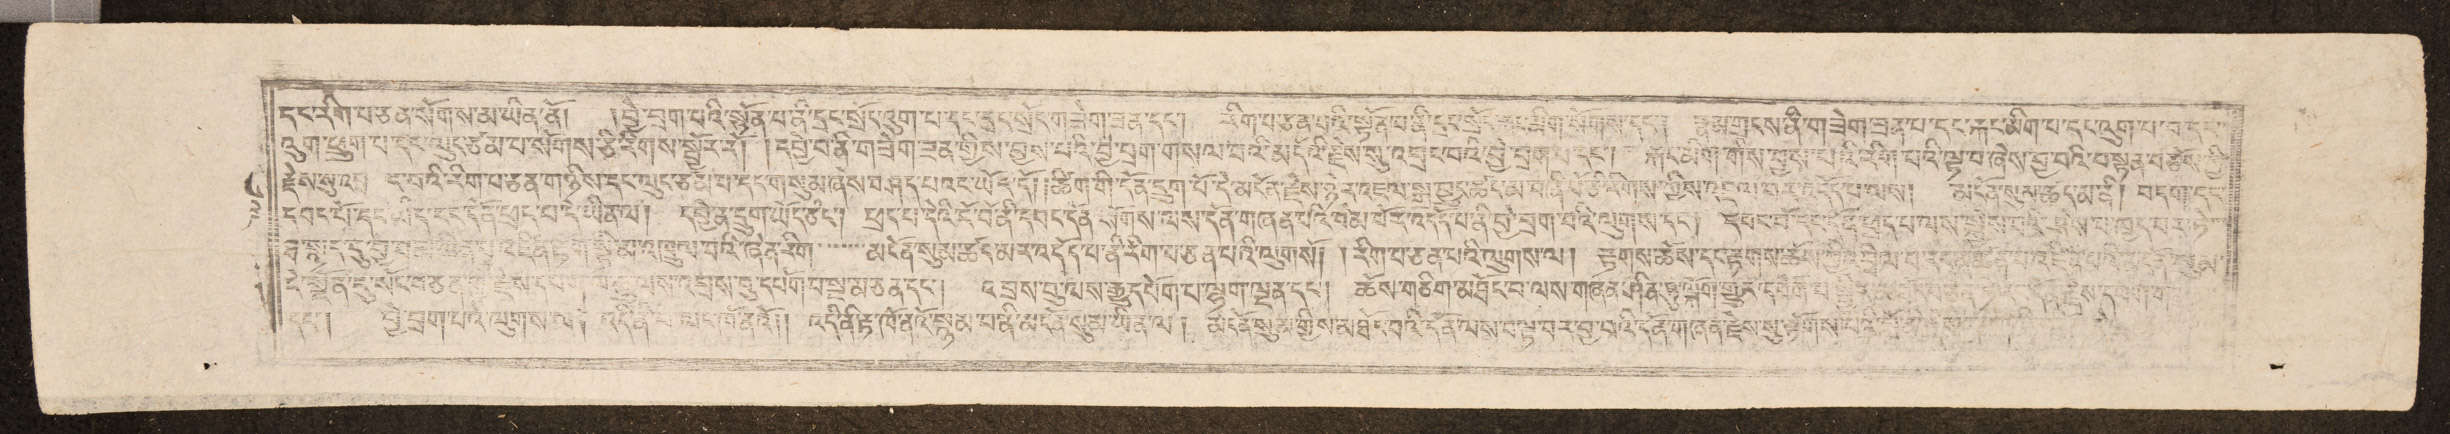དང་རིག་པ་ཅན་སོགས་མ་ཡིན་ནོ། །བྱེ་བྲག་པའི་སྟོན་པ་ནི་དྲང་སྲོང་འུག་པ་དང་དྲང་སྲྟོང་གཟེག་ཅན་དང་། རིག་པ་ཅན་པའི་སྟོན་པ་ནི་དྲང་སྲོང་རྐང་མིག་སོགས་དང་། རྣམ་གྲངས་ནི་གཟེག་ཟན་པ་དང་རྐང་མིག་པ་དང་འུག་པ་བ་དང་
འུག་ཕྲུག་པ་དང་ལུང་ཙམ་པ་སོགས་ཅི་རིགས་སྦྱོར་རོ། །དབྱེ་བ་ནི་གཟེག་ཟན་གྱིས་བྱས་པའི་བྱེ་བྲག་གསལ་བའི་མདོའི་རྗེས་སུ་འབྲང་བའི་བྱེ་བྲག་པ་དང་། རྐང་མིག་གིས་བྱས་པའི་རིག་པའི་ལྟ་བ་ཞེས་བྱ་བའི་བསྟན་བཅོས་ཀྱི་
རྗེས་སུ་འབྲང་བའི་རིག་པ་ཅན་གཉིས་དང་ལུང་ཙམ་པ་དང་གསུམ་ཞེས་བཤད་པའང་ཡོད་དོ། །ཚིག་གི་དོན་དྲུག་པོ་དེ་མངོན་རྗེས་ཉེར་འཇལ་སྒྲ་བྱུང་ཚད་མ་བཞི་པོ་ཅི་རིགས་ཀྱིས་འཇལ་བར་འདོད་པ་ལས། མངོན་སུམ་ཚད་མ་ནི། བདག་དང་
དབང་པོ་དང་ཡིད་དང་དོན་ཕྲད་པ་དེ་ཡིན་ལ། དབྱེ་ན་དྲུག་ཡོད་ཅིང་། ཕྲད་པ་དེའི་ངོ་བོ་ནི་དབང་དོན་སོགས་ལས་དོན་གཞན་པའི་བེམ་པོར་འདོད་པ་ནི་བྱེ་བྲག་པའི་ལུགས་དང་། དབང་པོ་དང་དོན་ཕྲད་པ་ལས་སྐྱེས་པའི་ཤེས་པ་ཁྱད་པར་ཏེ་
ཐ་སྙད་དུ་བྱ་བ་མ་ཡིན་པ་འཛིན་རྟོག་སྟེ་མ་འཁྲུལ་བའི་ཞེན་རིག་མངོན་སུམ་ཚད་མར་འདོད་པ་ནི་རིག་པ་ཅན་པའི་ལུག་སོ། །རིག་པ་ཅན་པའི་ལུགས་ལ། རྟགས་ཆོས་དང་རྟགས་ཆོས་ཀྱི་འབྲེལ་བ་རང་མཚན་པ་འཛིན་པའི་མངོན་སུམ་
དེ་སྔོན་དུ་སོང་བ་ཅན་གྱི་རྗེས་དཔག་ལ་རྒྱུ་ལས་འབྲས་བུ་དཔོག་པ་སྔ་མ་ཅན་དང་། འབྲས་བུ་ལས་རྒྱུ་དཔོག་པ་ལྷག་ལྡན་དང་། ཆོས་གཅིག་མཐོང་བ་ལས་གཞོན་ཤིན་ཏུ་ལྐོག་གྱུར་དཔོག་པ་སྤྱིར་མཐོང་བ་ཅན་ཏེ་རང་དོན་རྗེས་བདག་གསུམ་
དང་། བྱེ་བྲག་པའི་ལུགས་ལ། འདི་ནི་བ་ལང་ཁོ་ནའོ།། འདི་ནི་རྟ་ཁོ་ནའོ་སྙམ་པ་ནི་མངོན་སུམ་ཡིན་ལ། མངོན་སུམ་གྱིས་མཐོང་བའི་དོན་ལས་བལྟ་བར་བྱ་བའི་དོན་གཞན་རྗེས་སུ་རྟོགས་པའི་བློ་ནི་རྗེས་དཔག་ཡིན་ནོ། །དེ་ལ་རྒྱུ་ལས་